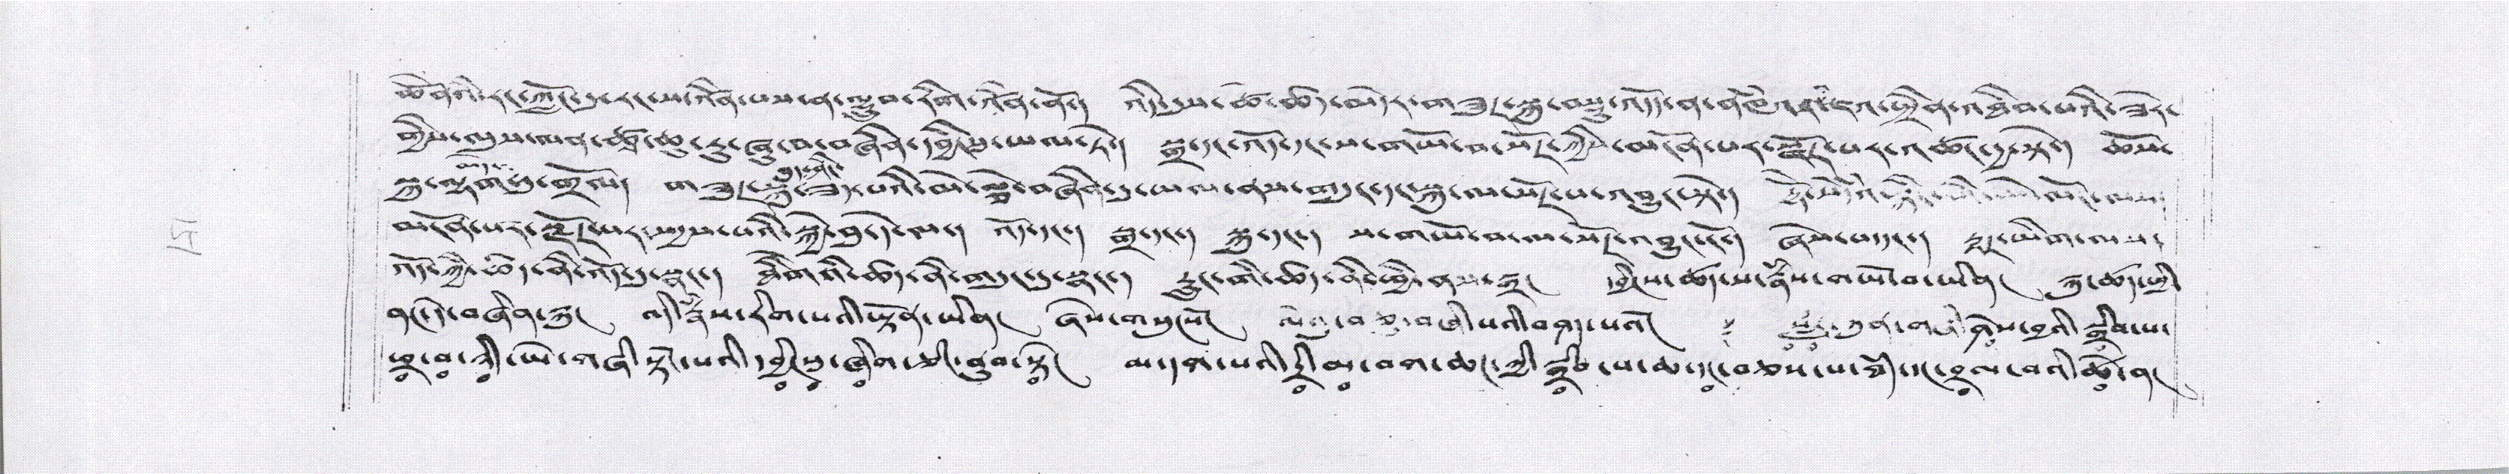ཆེན་པོའི་རང་ཀློང་དུ་རང་ས་འཛིན་པས་ན་ལྷུན་གྲུབ་རིག་འཛིན་ནོ། འདི་དུས་ཚེ་ཚད་མེད་པར་གཟུགས་སྐུ་བསྡུ་འདོད་ན། ནམ་མཁར་འཇའ་སྤྲིན་འཐིབས་པའི་ཟེར་
གྱིས་ལུས་ལན་ཚྭ་ཆུ་རུ་ཞུ་བ་བཞིན་དབྱིངས་སུ་ཡལ་ཏེ། སྒྲ་དང་འོད་དང་ས་གཡོ་བ་སོགས་ཀྱིས་མངོན་པར་རྫོགས་པར་འཚང་རྒྱ་སྟེ། ཆོས་
སྐུ་ལྷག་མེད་དུ་གྲོལ་བ་ཡིན། གཟུགས་སྐུ་འབུད་ཤིང་ཟད་པའི་མེ་ལྕེ་བཞིན་དུ་གདུང་དང་སྐུ་ལ་སོགས་པ་འབྱུང་སྟེ། རྡོ་རྗེ་སེམས་དཔའི་སྙིང་གི་མེ་ལོང་ལས། 
མངོན་པར་རྫོགས་པར་སངས་རྒྱས་པའི་སྐྱེས་བུ་དེ་ལ། འོད་དང་། སྒྲ་དང་། སྐུ་དང་། ས་གཡོ་བ་ལ་སོགས་འབྱུང་ངོ་། ཞེས་པ་དང་། རྟགས་ཡིག་ལས། 
འོད་ཀྱི་ཚད་ནི་འོད་དུ་སྣང་། ཐིག་ལེའི་ཚད་ནི་གདུང་དུ་སྣང་། རླུང་གི་ཚད་ནི་ཕྱི་ནས་སྒྲ། དབྱིངས་ཚད་ས་རྣམས་གཡོ་བ་ཡིན། སྐུ་ཚད་ཕྱི་
ནང་དེ་བཞིན་སྐུ། འདི་རྣམས་རིག་པའི་ཡོན་ཏན་ཡིན། ཞེས་གསུངས་སོ། ལེའུ་བཅུ་བཞི་པའི་བཤད་པའོ།། ༧ སླར་ཀུན་གཞི་ཤེས་བྱའི་སྒྲིབ་པ་
ཕྲ་བ་ཉིད་ཡེ་གཞི་སྟོང་པའི་དབྱིངས་སུ་ཞིག་ཅིང་ནུབ་སྟེ། མ་དག་པའི་དྲི་མ་བག་ཆགས་ཀྱི་སྒྲིབ་པ་ཆ་དང་བཅས་པ་ཐམས་ཅད་དང་བྲལ་བའི་ཚེ་ན།